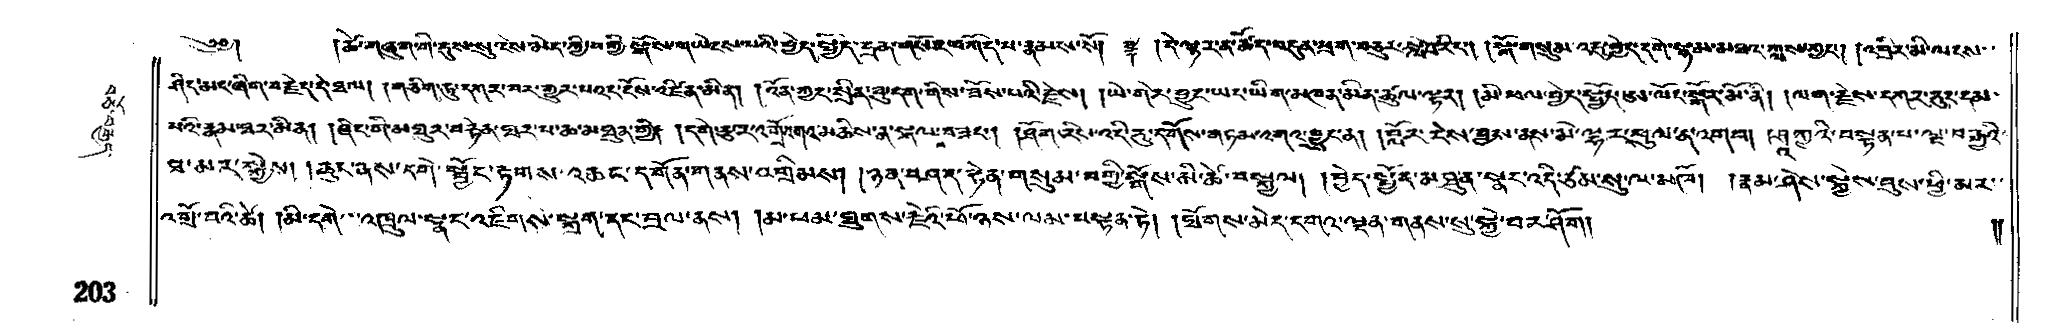༄༅། །ཚེ་གཞུག་གི་དུས་སུ་ངེས་མེད་ཀྱི་བགྱི་སྒོས་གཡེངས་པའི་བྱེད་སྤྱོད་དྲན་གསོར་བཀོད་པ་རྣམས་སོ། ༈ །དེ་ལྟར་ན་ཚོད་བདུན་ཕྲག་བཅུར་སླེབ་རིང་། །སྒོ་གསུམ་འདུ་བྱེད་དགེ་སྙམ་མཐའ་ཀླས་ཀྱང་། །འབྲིར་མི་ལངས་
ཤིང་མང་ཞིག་བརྗེད་དེ་ཐལ། །གཅིག་ཏུ་དཀར་བར་གྱུར་པའང་ངོས་འཛིན་མིན། །འོན་ཀྱང་སྲིན་བུ་དག་གིས་ཟོས་པའི་རྗེས། །ཡེ་གེར་བྱུང་ཡང་ཡིག་མཁན་མིན་ཚུལ་ལྟར། །མི་ཕལ་བྱེད་སྤྱོད་ཨ་ལོང་སྒོར་མོ་ནི། །ལག་རྗེས་དཀར་རུང་དམ་
པའི་རྣམ་ཐར་མིན། །ཞིང་གི་མཐུར་བརྟེན་ཐར་པ་ཆ་མཐུན་གྱི། །དགེ་རྩར་འགྲོ་འགའ་མཆིས་ན་སྐལ་བ་བཟང་། །ཤོག་རིས་འདི་རུ་དགོས་གཏམ་འགའ་བྱུང་ན། །བློར་ངེས་བྱས་ནས་མེ་ལྷར་ཕུལ་ན་འགབ། །ཤཱཀྱའི་བསྟན་པ་ལྔ་བརྒྱའི་
ཐ་མར་སྐྱེས། །ཆུང་ནས་དགེ་སྦྱོང་རྟགས་འཆང་དགོན་གནས་འགྲིམས། །ཉན་བཤད་རྟེན་གསུམ་བགྱི་སྒོས་མི་ཚེ་བསྐྱལ། །བྱེད་སྤྱོར་མཐུན་སྣང་འདི་ཙམ་སུ་ལ་མཁོ། །རྣམ་ཤེས་སྐྱེས་བུས་ཕྱི་མར་
འགྲོ་བའི་ཚེ། །མི་དགེ་འཁྲུལ་སྣང་འཇིགས་སྐྲག་དང་བྲལ་ནས། །མ་ཕམ་ཐུགས་རྗེའི་ཕོ་ཉས་ལམ་བསྟན་ཏེ། །ཐོགས་མེད་དགའ་ལྡན་གནས་སུ་སྐྱེ་བར་ཤོག། །།